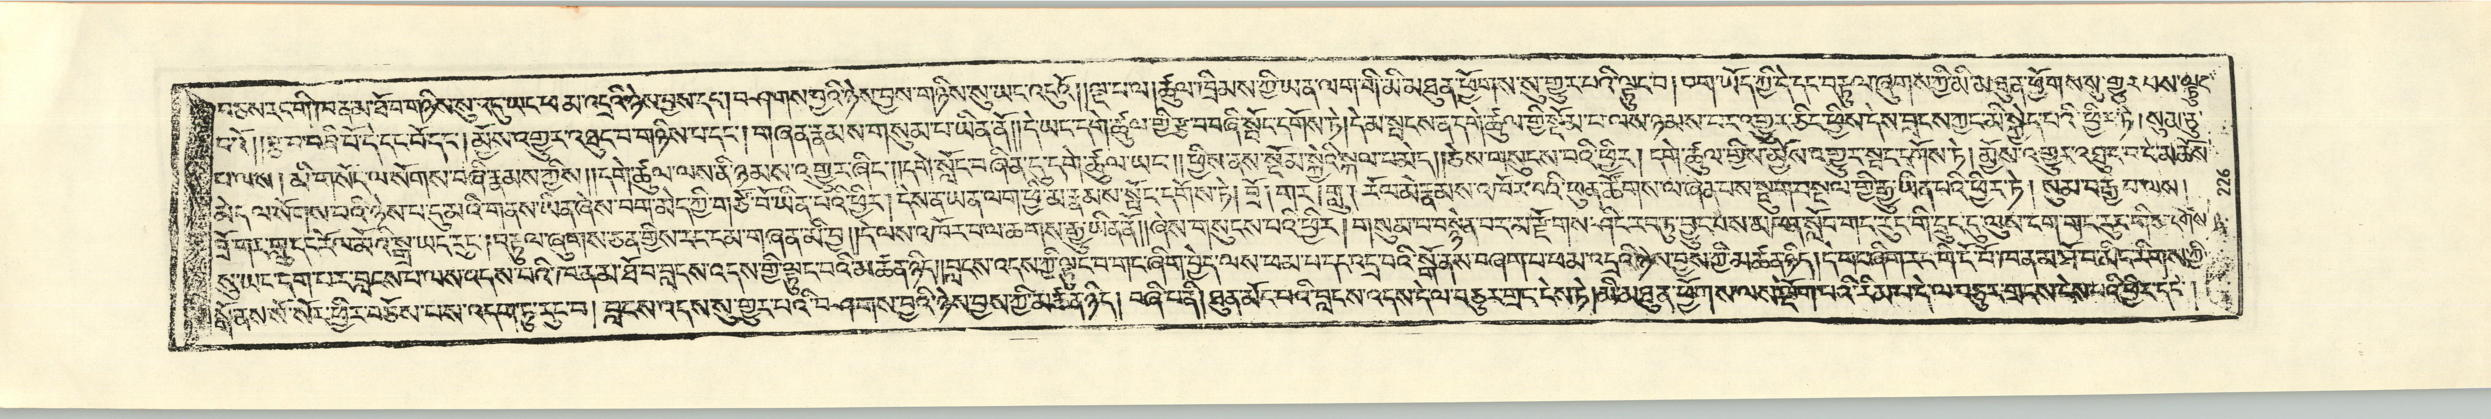བཅས་རང་གི་ཁ་ན་མ་ཐོབ་གཉིས་སུ་འདུ་ཡང་ཕམ་འདྲའི་ཉེས་བྱས་དང་། བཤགས་བྱའི་ཉེས་བྱས་གཉིས་སུ་ཡང་འདུའོ། །ལྔ་པ་ལ། ཚུལ་ཁྲིམས་ཀྱི་ཡན་ལག་གི་མི་མཐུན་ཕྱོགས་སུ་གྱུར་པའི་ལྟུང་བ། བག་ཡོད་ཀྱི་དེ་དང་བརྟུལ་ཞུགས་ཀྱི་མི་མཐུན་ཕྱོགས་སུ་གྱུར་པས་ལྟུང་
བའོ༑ ༑རྩ་བ་བཞི་པོ་དེ་དང་པོ་དང་། མྱོས་འགྱུར་འཐུང་བ་གཉིས་པ་དང་། གཞན་རྣམས་གསུམ་པ་ཡིན་ནོ། །དེ་ཡང་དགེ་ཚུལ་གྱི་རྩ་བ་བཞི་སྤོང་དགོས་ཏེ། དེ་མ་སྤངས་ན་དགེ་ཚུལ་གྱི་སྡོམ་པ་ལས་ཉམས་པར་འགྱུར་ཅིང་ཕྱིས་དེས་བླངས་ཀྱང་མི་སྐྱེད་པའི་ཕྱིར་ཏེ། སུམ་ཅུ་
པ་ལས། མི་གསོད་ལ་སོགས་བཞི་རྣམས་ཀྱིས། །དགེ་ཚུལ་ལས་ནི་ཉམས་འགྱུར་ཞིང་། །དགེ་སློང་བཞིན་དུ་དགེ་ཚུལ་ཡང་། །ཕྱིས་ནས་སྡོམ་སྐྱེའི་སྐལ་པ་མེད། །ཅེས་གསུངས་པའི་ཕྱིར། དགེ་ཚུལ་གྱིས་མྱོས་འགྱུར་སྤང་དགོས་ཏེ། མྱོས་འགྱུར་འཐུང་བ་དེ་མཆོས་
མེད་ལ་སོགས་པའི་ཉེས་པ་དུ་མའི་གནས་ཡིན་ཞེས་བག་མེད་ཀྱི་གཙོ་བོ་ཡིན་པའི་ཕྱིར། དེས་ན་ཡན་ལག་ཕྱི་མ་རྣམས་སྤོང་དགོས་ཏེ། བྲོ། གར། གླུ། རོལ་མེ་རྣམས་འཁོར་བའི་ཕུན་ཚོགས་ལ་ཞེན་པས་སྦུག་བསྔལ་གྱིར་གྱུ་ཡིན་པའི་ཕྱིར་ཏེ། སུམ་བརྒྱ་བ་ལས།
བྲོ་གར་གླུ་དང་རོལ་མོའི་སྒྲ་ཡང་རུང་། བརྟུལ་ཞུགས་ཅན་གྱིས་རང་ངམ་གཞན་མི་བྱ། །དེ་ལས་འཁོར་བ་ལ་ཆགས་རྒྱུ་ཡིན་ནོ། །ཞེས་གསུངས་པའི་ཕྱིར། གསུམ་པ་བསྙེན་པར་མ་རྫོགས་ཤིང་རབ་ཏུ་བྱུང་བས་མཁན་སློབ་གང་རུང་གི་དྲུང་དུ་ལུས་ངག་གང་རུང་གིས་དགོས་
སུ་ཡང་དག་པར་བླངས་པ་ལས་འདས་པའི་ཁ་ན་མ་ཐོ་བ་བླངས་འདས་ཀྱི་ལྟུང་བའི་མཚན་ཉིད། །བླངས་འདས་ཀྱི་ལྟུང་བ་གང་ཞིག་བྱེད་ལས་ཕམ་པ་དང་འདྲ་བའི་སྒོ་ནས་བཞག་པ་ཕམ་འདྲའི་ཉེས་བྱས་ཀྱི་མཚན་ཉིད། དེ་གང་ཞིག་རང་གི་ངོ་བོ་ཁ་ན་མ་ཐོ་བ་མིང་རིགས་ཀྱི་
སྒོ་ནས་སོ་སོར་ཕྱིར་བཅོས་པས་འདག་ཏུ་རུང་བ། བླངས་འདས་སུ་གྱུར་པའི་བཤགས་བྱའི་ཉེས་བྱས་ཀྱི་མཚན་ཉིད། བཞི་པ་ནི། ཐུན་མོང་པའི་བླངས་འདས་དེ་ལ་བཅུར་གྲང་ངེས་ཏེ། མི་མཐུན་ཕྱོགས་ལས་ལྡོག་པའི་རིམ་པ་དེ་ལ་བཅུར་གྲངས་ངེས་པའི་ཕྱིར་དང་།